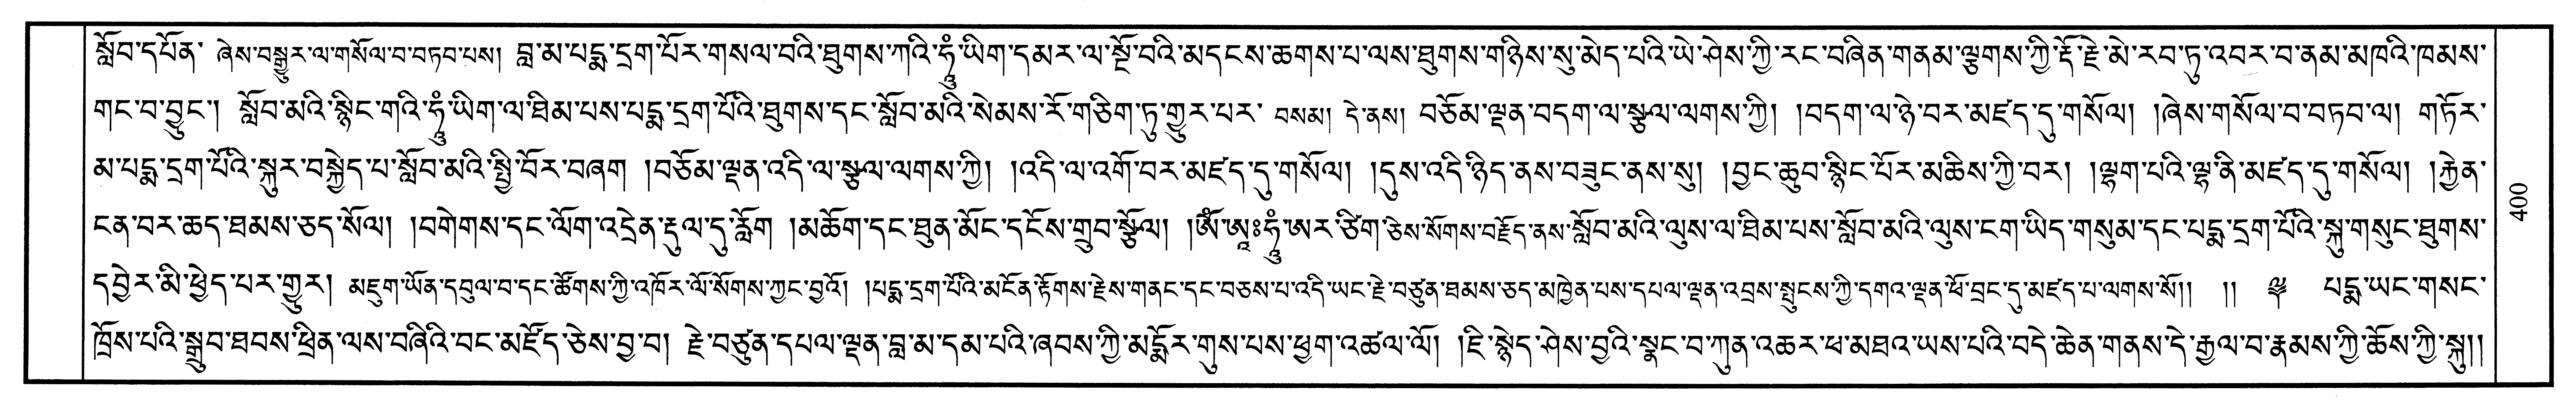སློབ་དཔོན་ཞེས་བསྒྱུར་ལ་གསོལ་བ་བཏབ་པས། བླ་མ་པདམ་དྲག་པོར་གསལ་བའི་ཐུགས་ཀའི་ཧཱུཾ་ཡིག་དམར་ལ་སྔོ་བའི་མདངས་ཆགས་པ་ལས་ཐུགས་གཉིས་སུ་མེད་པའི་ཡེ་ཤེས་ཀྱི་རང་བཞིན་གནམ་ལྕགས་ཀྱི་རྡོ་རྗེ་མེ་རབ་ཏུ་འབར་བ་ནམ་མཁའི་ཁམས་
གང་བ་བྱུང་། སློབ་མའི་སྙིང་གའི་ཧཱུཾ་ཡིག་ལ་ཐིམ་པས་པདམ་དྲག་པོའི་ཐུགས་དང་སློབ་མའི་སེམས་རོ་གཅིག་ཏུ་གྱུར་པར་བསམ། དེ་ནས། བཅོམ་ལྡན་འདས་ལ་སྩལ་ལགས་ཀྱི། །བདག་ལ་ཉེ་བར་མཛད་དུ་གསོལ། །ཞེས་གསོལ་བ་བཏབ་ལ། གཏོར་
མ་པདམ་དྲག་པོའི་སྐུར་བསྐྱེད་པ་སློབ་མའི་སྤྱི་བོར་བཞག །བཅོམ་ལྡན་འདི་ལ་སྩལ་ལགས་ཀྱི། །འདི་ལ་འགོ་བར་མཛད་དུ་གསོལ། །དུས་འདི་ཉིད་ནས་བཟུང་ནས་སུ། །བྱང་ཆུབ་སྙིང་པོར་མཆིས་ཀྱི་བར། །ལྷག་པའི་ལྷ་ནི་མཛད་དུ་གསོལ། །རྐྱེན་
ངན་བར་ཆད་ཐམས་ཅད་སོལ། །བགེགས་དང་ལོག་འདྲེན་རྡུལ་དུ་རློག །མཆོག་དང་ཐུན་མོང་དངོས་གྲུབ་སྩོལ། །ཨོཾ་ཨཱཿ ཧཱུཾ་ཨར་ཙིག་ཅེས་སོགས་བརྗོད་ནས་སློབ་མའི་ལུས་ལ་ཐིམ་པས་སློབ་མའི་ལུས་ངག་ཡིད་གསུམ་དང་པདམ་དྲག་པོའི་སྐུ་གསུང་ཐུགས་
དབྱེར་མི་ཕྱེད་པར་གྱུར། མཇུག་ཡོན་དབུལ་བ་དང་ཚོགས་ཀྱི་འཁོར་ལོ་སོགས་ཀྱང་བྱའོ། །པདམ་དྲག་པོའི་མངོན་རྟོགས་རྗེས་གནང་དང་བཅས་པ་འདི་ཡང་རྗེ་བཙུན་ཐམས་ཅད་མཁྱེན་པས་དཔལ་ལྡན་འབྲས་སྤུངས་ཀྱི་དགའ་ལྡན་ཕོ་བྲང་དུ་མཛད་པ་ལགས་སོ།། །། ༈ པདམ་ཡང་གསང་
ཁྲོས་པའི་སྒྲུབ་ཐབས་ཕྲིན་ལས་བཞིའི་བང་མཛོད་ཅེས་བྱ་བ། རྗེ་བཙུན་དཔལ་ལྡན་བླ་མ་དམ་པའི་ཞབས་ཀྱི་མདམོར་གུས་པས་ཕྱག་འཚལ་ལོ། །ཇི་སྙེད་ཤེས་བྱའི་སྣང་བ་ཀུན་འཆར་ཕ་མཐའ་ཡས་པའི་བདེ་ཆེན་གནས་དེ་རྒྱལ་བ་རྣམས་ཀྱི་ཆོས་ཀྱི་སྐུ།།